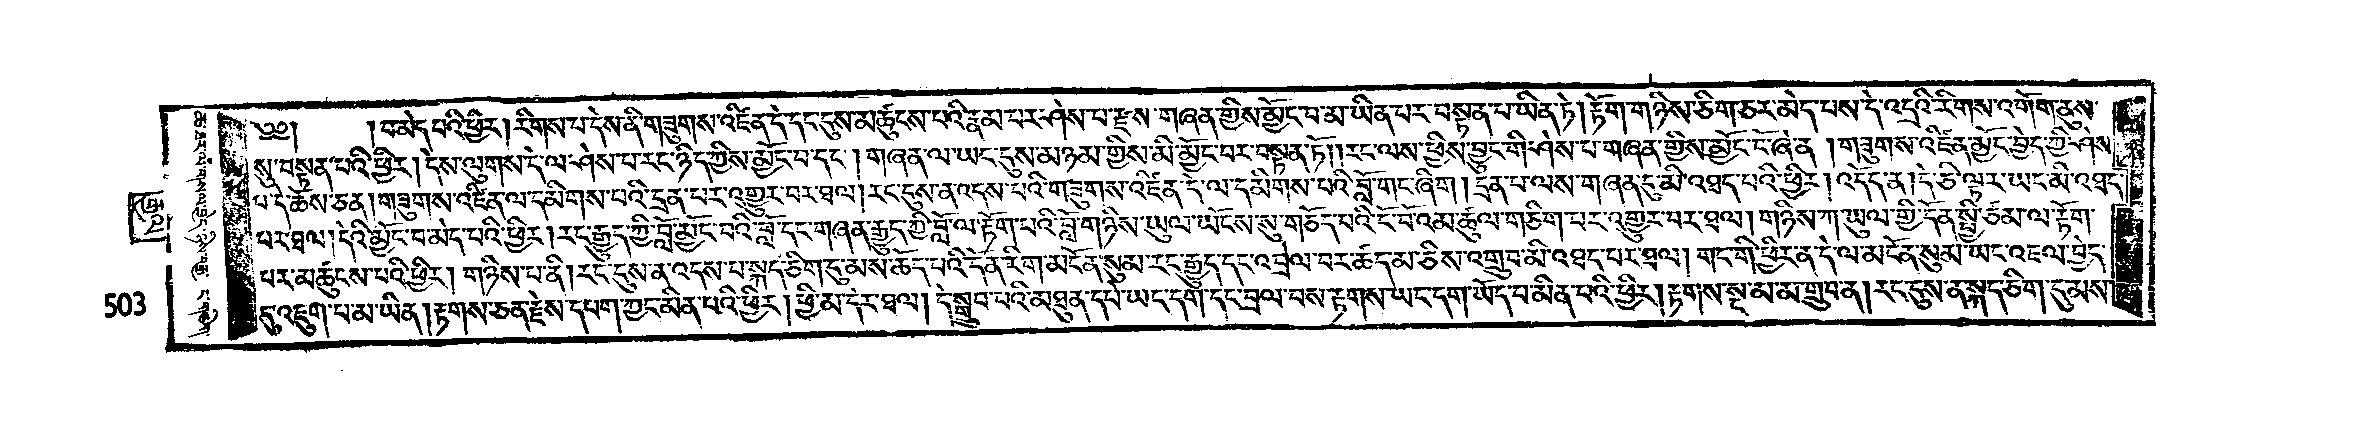༄༅། །བ་མེད་པའི་ཕྱིར། རིགས་པ་དེས་ནི་གཟུགས་འཛིན་དེ་དང་དུས་མཚུངས་པའི་རྣམ་པར་ཤེས་པ་རྫས་གཞན་གྱིས་མྱོང་བ་མ་ཡིན་པར་བསྟན་པ་ཡིན་ཏེ། རྟོག་གཉིས་ཅིག་ཅར་མེད་པས་དེ་འདྲའི་རིགས་འགོག་ནུས་
སུ་བསྟན་པའི་ཕྱིར། དེས་ལུགས་དེ་ལ་ཤེས་པ་རང་ཉིད་ཀྱིས་མྱོང་བ་དང་། གཞན་ལ་ཡང་དུས་མཉམ་གྱིས་མི་མྱོང་བར་བསྟན་ཏོ། །རང་ལས་ཕྱིས་བྱུང་གི་ཤེས་པ་གཞན་གྱིས་མྱོང་ངོ་ཞེ་ན། གཟུགས་འཛིན་མྱོང་བྱེད་ཀྱི་ཤེས་
པ་དེ་ཆོས་ཅན། གཟུགས་འཛིན་ལ་དམིགས་པའི་དྲན་པར་འགྱུར་བར་ཐལ། རང་དུས་ན་འདས་པའི་གཟུགས་འཛིན་དེ་ལ་དམིགས་པའི་བློ་གང་ཞིག །དྲན་པ་ལས་གཞན་དུ་མི་འཐད་པའི་ཕྱིར། འདོད་ན། དེ་ཅི་ལྟར་ཡང་མི་འཐད་
པར་ཐལ། དེའི་མྱོང་བ་མེད་པའི་ཕྱིར། རང་རྒྱུད་ཀྱི་བློ་མྱོང་བའི་བློ་དང་གཞན་རྒྱུད་ཀྱི་བློ་ལ་རྟོག་པའི་བློ་གཉིས་ཡུལ་ཡོངས་སུ་གཅོད་པའི་ངོ་བོའམ་ཚུལ་གཅིག་པར་འགྱུར་བར་ཐལ། གཉིས་ཀ་ཡུལ་གྱི་དོན་སྤྱི་ཙམ་ལ་རྟོག་
པར་མཚུངས་པའི་ཕྱིར། གཉིས་པ་ནི། རང་དུས་ན་འདས་པ་སྐད་ཅིག་དུ་མས་ཆོད་པའི་དོན་རིག་མངོན་སུམ་རང་རྒྱུད་དང་འབྲེལ་བར་ཚད་མ་ཅིས་འགྲུབ་མི་འཐད་པར་ཐལ། གང་གི་ཕྱིར་ན་དེ་ལ་མངོན་སུམ་ཡང་འཇལ་བྱེད་
དུ་འཇུག་པ་མ་ཡིན། རྟགས་ཅན་རྗེས་དཔག་ཀྱང་མིན་པའི་ཕྱིར། ཕྱི་མ་དེར་ཐལ། དེ་སྒྲུབ་པའི་མཐུན་དཔེ་ཡང་དག་དང་བྲལ་བས་རྟགས་ཡང་དག་ཡོད་པ་མིན་པའི་ཕྱིར། རྟགས་སྔ་མ་མ་གྲུབ་ན། རང་དུས་ན་སྐད་ཅིག་དུ་མས་